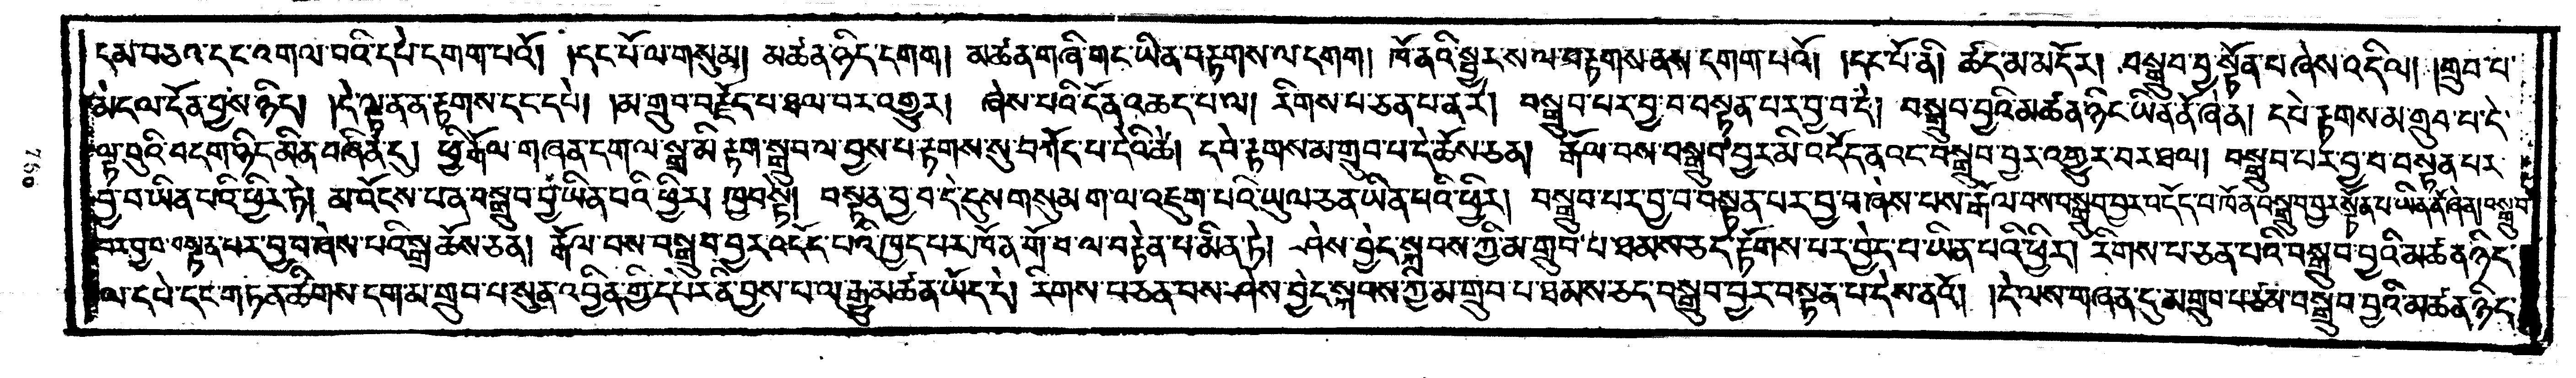དམ་བཅའ་དང་འགལ་བའི་དཔེ་དགག་པའོ། །དང་པོ་ལ་གསུམ། མཚན་ཉིད་དགག། མཚན་གཞི་གང་ཡིན་བརྟགས་ལ་དགག། ཁོ་ནའི་སྦྱར་ས་ལ་བརྟགས་ནས་དགག་པའོ། །དང་པོ་ནི། ཚད་མ་མདོར། བསྒྲུབ་བྱ་སྟོན་པ་ཞེས་འདི་ལ། །གྲུབ་པ་
མེད་ལ་དོན་བྱས་ཉིད། །དེ་ལྟ་ན་ན་རྟགས་དང་དཔེ། །མ་གྲུབ་བརྗོད་པ་ཐལ་བར་འགྱུར། ཞེས་པའི་དོན་འཆད་པ་ལ། རིགས་པ་ཅན་པ་ན་རེ། བསྒྲུབ་པར་བྱ་བ་བསྟན་པར་བྱ་བ་དེ། བསྒྲུབ་བྱའི་མཚན་ཉིད་ཡིན་ནོ་ཞེ་ན། དཔེ་རྟགས་མ་གྲུབ་པ་དེ་
ལྟ་བུའི་བདག་ཉིད་མིན་བཞིན་དུ། ཕྱི་རྒོལ་གཞན་ཛག་ལ་སྒྲ་མི་རྟག་སྒྲུབ་ལ་བྱས་པ་རྟགས་སུ་བཀོད་པ་དེའི་ཚེ། དཔེ་རྟགས་མ་གྲུབ་པ་དེ་ཆོས་ཅན། རྒོལ་བས་བསྒྲུབ་བྱར་མི་འདོད་ནའང་བསྒྲུབ་བྱར་འགྱུར་བར་ཐལ། བསྒྲུབ་པར་བྱ་བ་བསྟན་པར་
བྱ་བ་ཡིན་པའི་ཕྱིར། མ་འོངས་པ་ན་བསྒྲུབ་བྱ་ཡིན་པའི་ཕྱིར། ཁྱབ་སྟེ། བསྟན་བྱ་བ་དེ་དུས་གསུམ་ག་ལ་འཇུག་པའི་ཡུལ་ཅན་ཡིན་པའི་ཕྱིར། བསྒྲུབ་པར་བྱ་བ་བསྟན་པར་བྱ་བ་ཞེས་པས་རྒོལ་བས་བསྒྲུབ་བྱར་འདོད་པ་ཁོ་ན་བསྒྲུབ་བྱར་སྟོན་པ་ཡིན་ནོ་ཞེ་ན། བསྒྲུབ་
བར་བྱ་བ་བསྟན་པར་བྱ་བ་ཞེས་པའི་སྒྲ་ཆོས་ཅན། རྒོལ་བས་བསྒྲུབ་བྱར་འདོད་པའི་ཁྱད་པར་ཁོ་ན་གོ་བ་ལ་བརྟེན་པ་མིན་ཏེ། ཤེས་བྱེད་སྐབས་ཀྱི་མ་གྲུབ་པ་ཐམས་ཅད་རྟོགས་པར་བྱེད་པ་ཡིན་པའི་ཕྱིར། རིགས་པ་ཅན་པའི་བསྒྲུབ་བྱའི་མཚན་ཉིད་
ལ་དཔེ་དང་གཏན་ཚིགས་དག་མ་གྲུབ་པ་སུན་འབྱིན་གྱི་དཔེར་ནི་བྱས་པ་ལ་རྒྱུ་མཚན་ཡོད་དེ། རིགས་པ་ཅན་པས་ཤེས་བྱེད་སྐབས་ཀྱི་མ་གྲུབ་པ་ཐམས་ཅད་བསྒྲུབ་བྱར་བསྟན་པ་དེས་ནའོ། །དེ་ལས་གཞན་དུ་མ་གྲུབ་པ་ཙམ་བསྒྲུབ་བྱའི་མཚན་ཉིད་